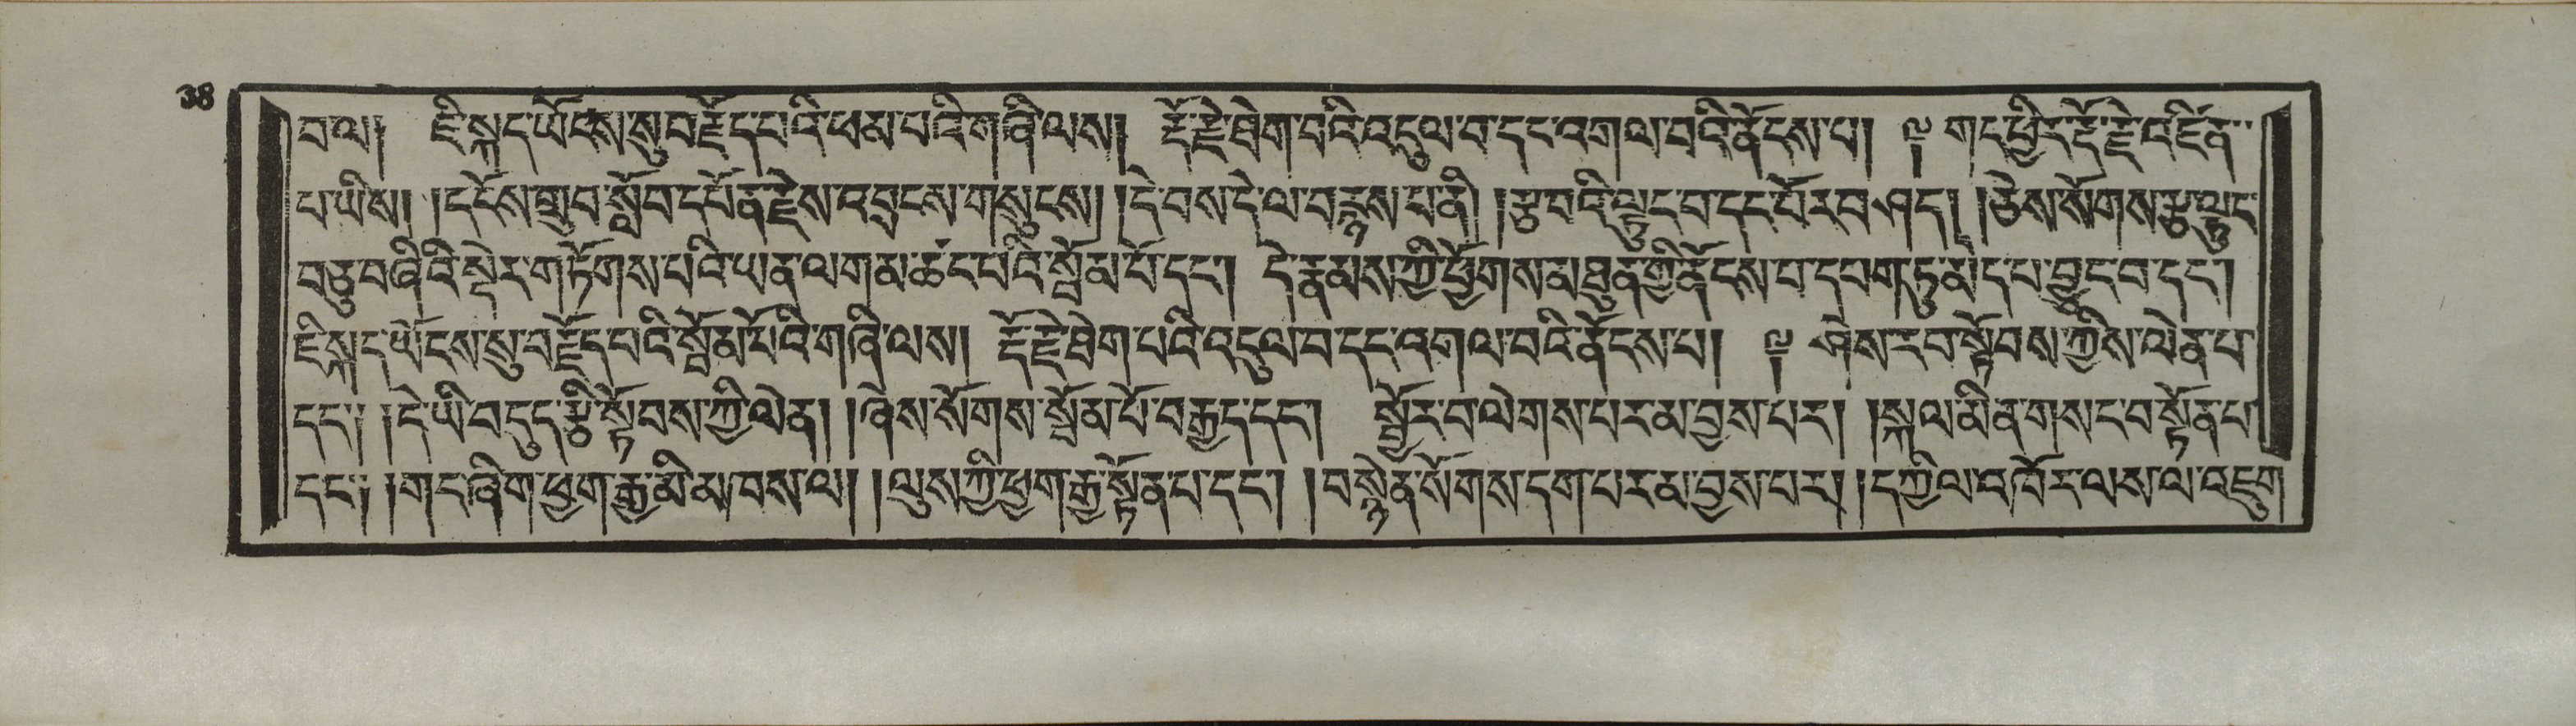བ་ལ། ཇི་སྐད་ཡོངས་སུ་བརྗོད་པའི་ཕམ་པའི་གཞི་ལས། རྡོ་རྗེ་ཐེག་པའི་འདུལ་བ་དང་འགལ་བའི་ནོངས་པ། ༈ གང་ཕྱིར་རྡོ་རྗེ་འཛིན་
པ་ཡིས། །དངོས་གྲུབ་སློབ་དཔོན་རྗེས་འབྲངས་གསུངས། །དེ་བས་དེ་ལ་བརྙས་པ་ནི། །རྩ་བའི་ལྟུང་བ་དང་པོར་བཤད། །ཅེས་སོགས་རྩ་ལྟུང་
བཅུ་བཞིའི་སྡེར་གཏོགས་པའི་ཡན་ལག་མ་ཚང་བའི་སྦོམ་པོ་དང་། དེ་རྣམས་ཀྱི་ཕྱོགས་མཐུན་གྱི་ནོངས་པ་དཔག་ཏུ་མེད་པ་བྱུང་བ་དང་།
ཇི་སྐད་ཡོངས་སུ་བརྗོད་པའི་སྦོམ་པོའི་གཞི་ལས། རྡོ་རྗེ་ཐེག་པའི་འདུལ་བ་དང་འགལ་བའི་ནོངས་པ། ༈ ཤེས་རབ་སྟོབས་ཀྱིས་ལེན་པ་
དང་། །དེ་ཡི་བདུད་རྩི་སྟོབས་ཀྱི་ལེན། །ཞེས་སོགས་སྦོམ་པོ་བརྒྱད་དང་། སྦྱོར་བ་ལེགས་པར་མ་བྱས་པར། །སྐལ་མིན་གསང་བ་སྟོན་པ་
དང་། །གང་ཞིག་ཕྱག་རྒྱ་མི་མཁས་ལ། །ལུས་ཀྱི་ཕྱག་རྒྱ་སྟོན་པ་དང་། །བསྙེན་སོགས་དག་པར་མ་བྱས་པར། །དཀྱིལ་འཁོར་ལས་ལ་འཇུག་